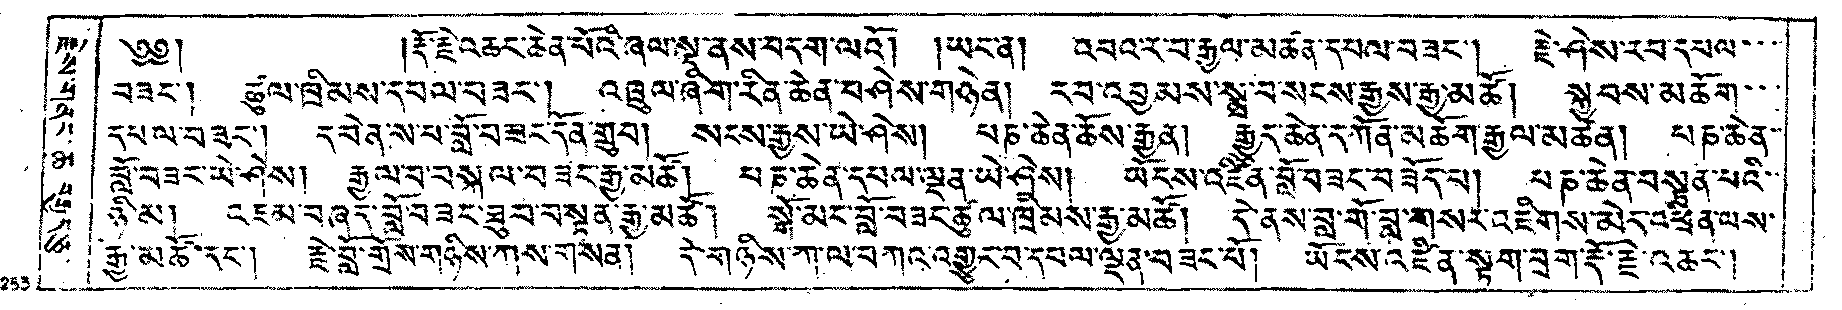༄༅། །རྡོ་རྗེ་འཆང་ཆེན་པོའི་ཞལ་སྔ་ནས་བདག་ལའོ། །ཡང་ན། འབའ་ར་བ་རྒྱལ་མཚན་དཔལ་བཟང་། རྗེ་ཤེས་རབ་དཔལ་
བཟང་། ཚུལ་ཁྲིམས་དཔལ་བཟང་། འཁྲུལ་ཞིག་རིན་ཆེན་བཤེས་གཉེན། རབ་འབྱམས་སྨྲ་བ་སངས་རྒྱས་རྒྱ་མཚོ། སྐྱབས་མཆོག་
དཔལ་བཟང་། དབེན་ས་པ་བློ་བཟང་དོན་གྲུབ། སངས་རྒྱས་ཡེ་ཤེས། པཎ་ཆེན་ཆོས་རྒྱན། རྒྱུད་ཆེན་དཀོན་མཆོག་རྒྱལ་མཚན། པཎ་ཆེན་
བློ་བཟང་ཡེ་ཤེས། རྒྱལ་བ་བསྐལ་བཟང་རྒྱ་མཚོ། པཎ་ཆེན་དཔལ་ལྡན་ཡེ་ཤེས། ཡོངས་འཛིན་བློ་བཟང་བཟོད་པ། པཎ་ཆེན་བསྟན་པའི་
ཉི་མ། འཇམ་བཞད་བློ་བཟང་ཐུབ་བསྟན་རྒྱ་མཚོ། སྒོ་མང་བློ་བཟང་ཚུལ་ཁྲིམས་རྒྱ་མཚོ། དེ་ནས་བླ་གོ་བླ་གསར་འཇིགས་མེད་འཕྲིན་ལས་
རྒྱ་མཚོ་དང་། རྗེ་བློ་གྲོས་གཉིས་ཀས་གསན། དེ་གཉིས་ཀ་ལ་བཀའ་འགྱུར་བ་དཔལ་ལྡན་བཟང་པོ། ཡོངས་འཛིན་སྟག་བྲག་རྡོ་རྗེ་འཆང་།